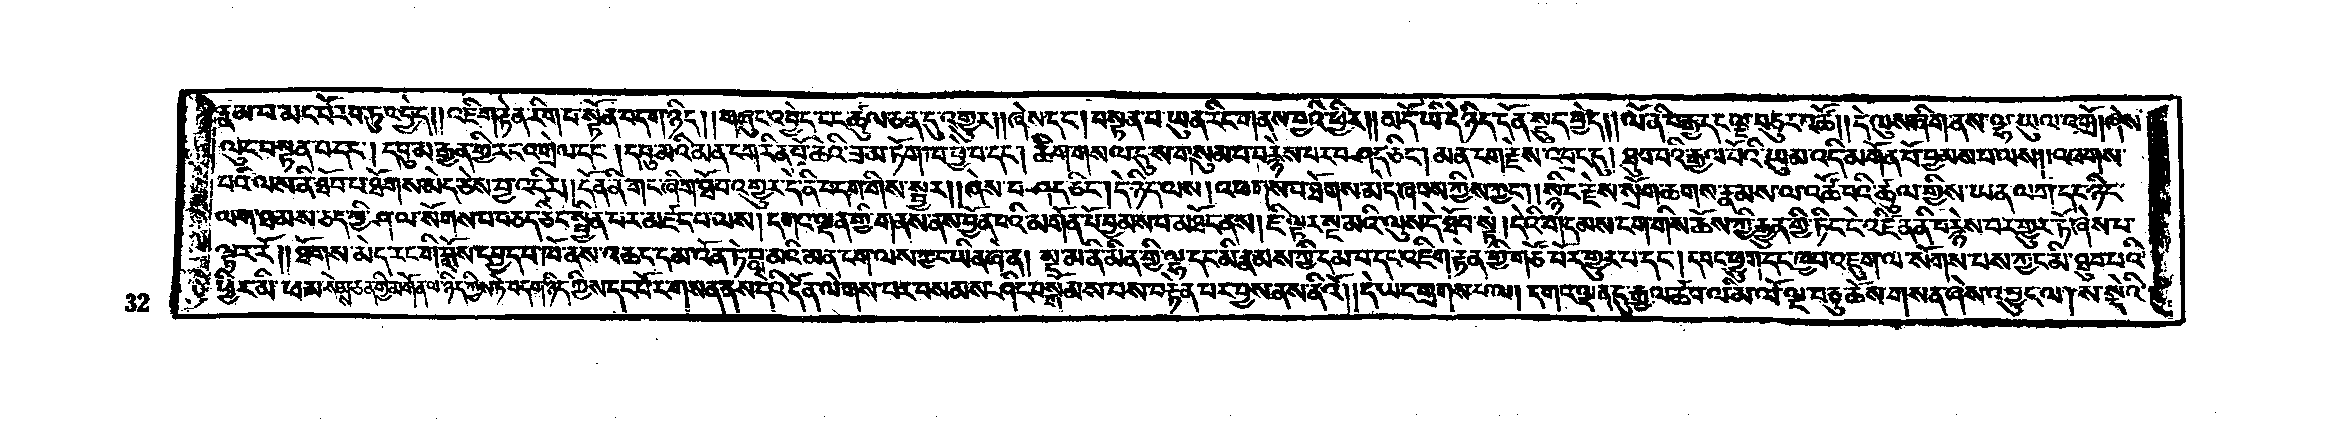རྣམ་པ་མང་པོ་རབ་ཏུ་འབྱེད། །འཇིག་རྟེན་རིག་པ་སྟོན་བདག་ཉིད། །གཞུང་འབྱེད་དང་ཚུལ་ཅན་དུ་འགྱུར། །ཞེས་དང་། བསྟན་པ་ཡུན་རིང་གནས་བྱའི་ཕྱིར། །མདོ་ཡི་དེ་ཉིད་དོན་སྡུད་བྱེད། །ལོ་ནི་བརྒྱ་དང་ལྔ་བཅུར་འཚོ། །དེ་ལུས་ཞིག་ནས་ལྷ་ཡུལ་འགྲོ། ཞེས་
ལུང་བསྟན་པ་དང་། དབུ་མ་རྒྱན་གྱི་རང་འགྲེལ་དང་། དབུ་མའི་མན་ངག་རིན་པོ་ཆེའི་ཟ་མ་ཏོག་ཁ་ཕྱེ་བ་དང་། ཚིག་གསལ་དུ་ས་གསུམ་པ་བརྙེས་པར་བཤད་ཅིང་། མན་ངག་རྗེས་འབྲང་དུ། ཐུབ་པའི་རྒྱལ་པོའི་ཡུམ་འདི་མགོན་པོ་བྱམས་པ་ལས། །འཕགས་
པའི་ལམ་ནི་ཐོབ་པ་ཐོགས་མེད་ཅེས་བྱ་འདིར། །དོན་ནི་གང་ཞིག་ཐོབ་འགྱུར་དེ་ནི་བདག་གིས་སྦྱར། །ཞེས་བཤད་ཅིང་། དེ་ཉིད་ལས། འཕགས་པ་ཐོགས་མེད་ཞབས་ཀྱིས་ཀྱང་། །སྙིང་རྗེས་སྲོག་ཆགས་རྣམས་ལ་འཚོ་བའི་ཚུལ་གྱིས་ཡན་ལག་དང་ཉིང་
ལག་ཐམས་ཅད་ཀྱི་ཤ་ལ་སོགས་པ་བཅད་ཅིང་སྦྱིན་པར་མཛད་པ་ལས། དགའ་ལྡན་གྱི་གནས་ནས་བྱོན་པའི་མགོན་པོ་བྱམས་པ་མཐོང་ནས། ཇི་ལྟར་སྔ་མའི་ལུས་དེ་ཐོབ་སྟེ། དེའི་གདམས་ངག་གིས་ཆོས་ཀྱི་རྒྱུན་གྱི་ཏིང་ངེ་འཛིན་ནི་བརྙེས་པར་གྱུར་ཏོ་ཞེས་པ་
ལྟར་རོ། །ཐོགས་མེད་རང་གི་བློས་དཔྱད་པ་ཁོ་ནས་འཆད་དམ་འོན་ཏེ་བླ་མའི་མན་ངག་ལས་ཀྱང་ཡིན་ཞེ་ན། སྔ་མ་ནི་མིན་གྱི་ལྷ་དང་མི་རྣམས་ཀྱི་དམ་པ་དང་འཇིག་རྟེན་གྱི་གཙོ་བོར་གྱུར་པ་དང་། དབང་ཕྱུག་དང་ཁྱབ་འཇུག་ལ་སོགས་པས་ཀྱང་མི་ཐུབ་པའི་
ཕྱིར་མི་ཕམ་སེམས་ཅན་གྱི་མགོན་ལ་ཉིད་ཀྱིས་ཏེ་བདག་ཉིད་ཀྱིས་དང་པོར་གསན་ནས་དེའི་དོན་ལེགས་པར་བསམས་ཤིང་བསྒོམས་པས་བརྟེན་པར་བྱས་ནས་ནིའོ། །དེ་ཡང་གྲགས་པ་ལ། དགའ་ལྡན་དུ་རྒྱལ་ཚབ་ལ་མི་ལོ་ལྔ་བཅུ་ཆོས་གསན་ཞེས་འབྱུང་ལ། ས་སྡེའ་